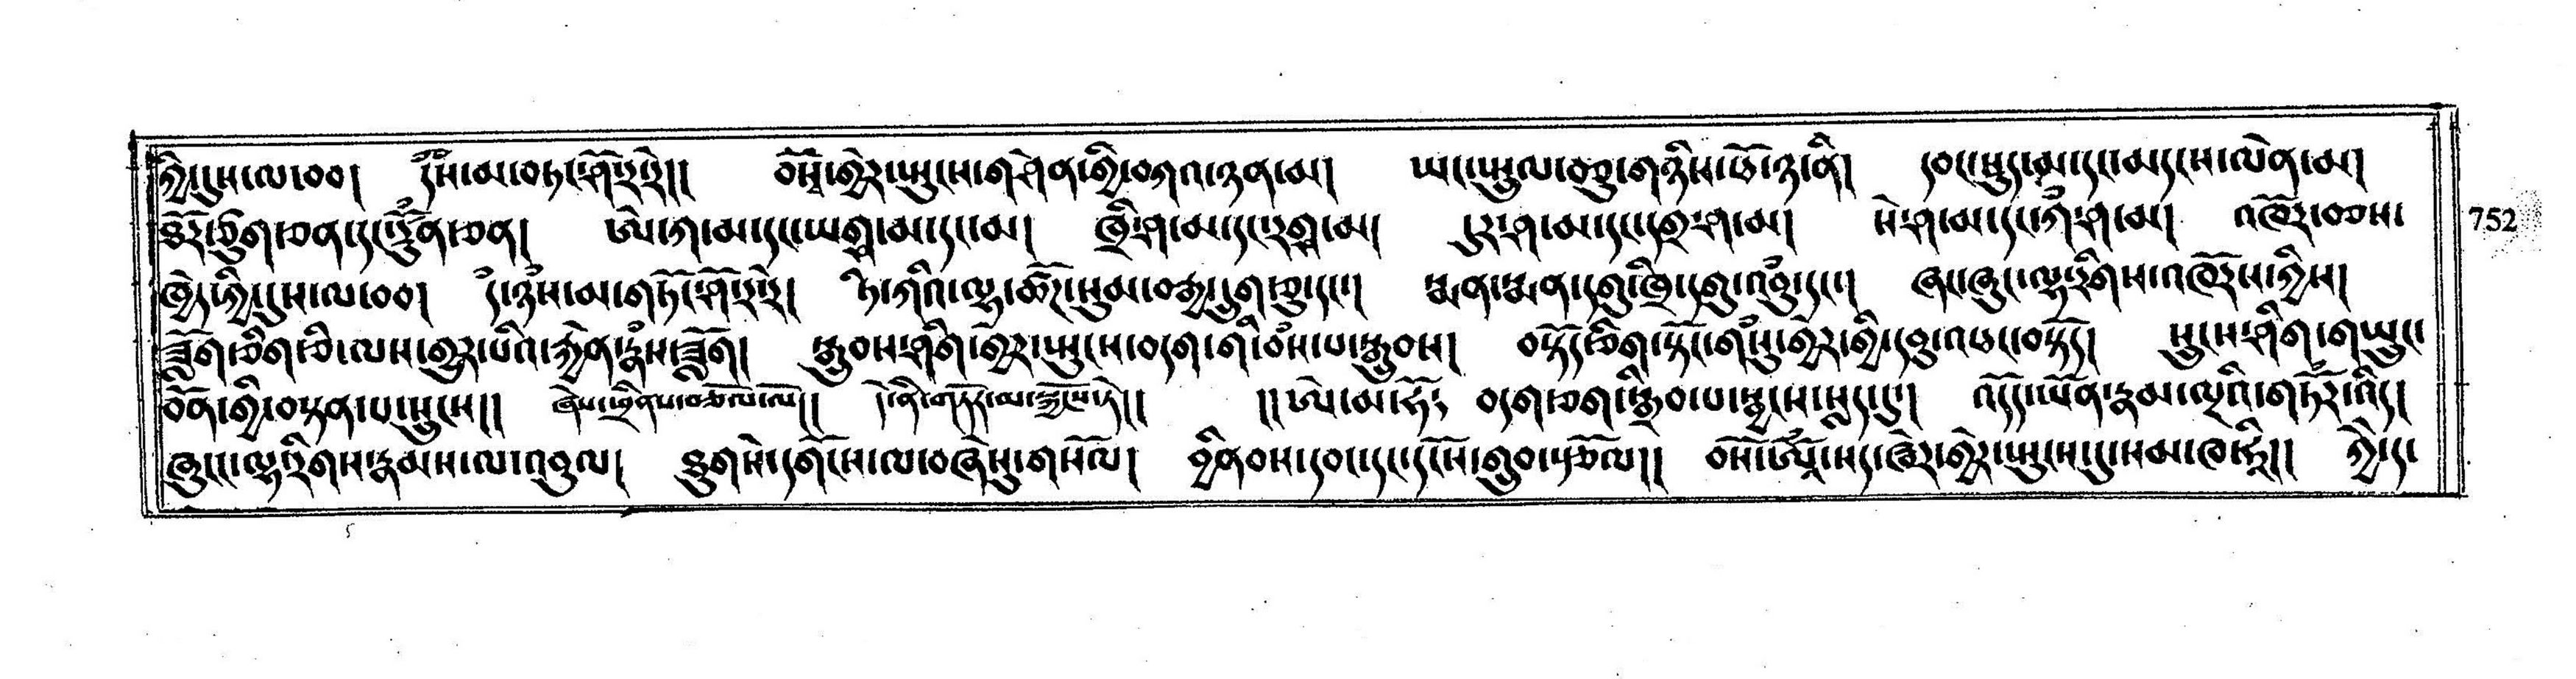ཀྱི་དུས་ལ་བབ། དམ་རྫས་མ་བཏང་ཤོ་ར་རེ།། བསྭོ་གྱེར་སྤུངས་གཤེན་གྱི་བཀའ་ཉན་མ། ཡང་སྤྲུལ་བཅུ་གཉིས་ཕོ་ཉ་ནི། དབང་སྡུད་མ་དང་མདངས་ལེན་མ། 
ཐོར་ཙུག་ཅན་དང་རུ་མཚོན་ཅན། ཨེ་ཀ་མ་དང་ཡགྴ་མ། ཁྲི་ཤ་མ་དང་རགྴ་མ། དུར་ཤ་མ་དང་དགྲ་ཤ་མ། སེ་ཤ་མ་དང་ཀཾ་ཤ་མ། འཁོར་བཅས་
ཁྱེད་ཀྱི་དུས་ལ་བབ། དམ་ཉམས་མ་གཏོང་ཤོ་ར་རེ། ཏི་ཀའི་ལྷ་ཚོགས་སུམ་བརྒྱ་དྲུག་ཅུ་དང་། སྨན་སྨན་དགུ་ཁྲི་དགུ་འབུམ་དང་། ཞང་ཞུང་ལྷ་རིགས་འཁོར་བཅས་ཀྱིས། 
ཟློག་ཅིག་ཅི་ལས་གྱུར་པའི་རྐྱེན་རྣམས་ཟློག སྒྲུབས་ཤིག་གྱེར་སྤུངས་བདག་གི་བསམ་པ་སྒྲུབས། བསྟོད་ཅིག་སྟོང་གསུམ་གྱེར་གྱི་དབུ་འཕང་བསྟོད། སྲུངས་ཤིག་གཡུང་དྲུང་
བོན་གྱི་བསྟན་པ་སྲུངས།། ཞེས་ཕྲིན་ལས་བཅོལ་ལོ།། དེ་ནི་གཏོར་མ་སྐྱོངས་ཏེ།། །།ཨེ་མ་ཧོ བདག་ཅག་སྒྲིབ་པ་སྦྱངས་སླད་དུ། འདོད་ཡོན་རྣམ་ལྔའི་གཏོར་མ་འདི། 
ཞང་ཞུང་ལྷ་རིགས་རྣམས་ལ་འབུལ། ཐུགས་རྗེ་དགོངས་ལ་བཞེས་སུ་གསོལ། བྱིན་རླབས་དབང་དང་དངོས་གྲུབ་སྩོལ།། བསོ་ཨཱོཾ་སད་ཝེར་གྱེར་སྤུངས་དུ་སམ་ཁ་ཧཱི།། ཀྱཻ་ད་